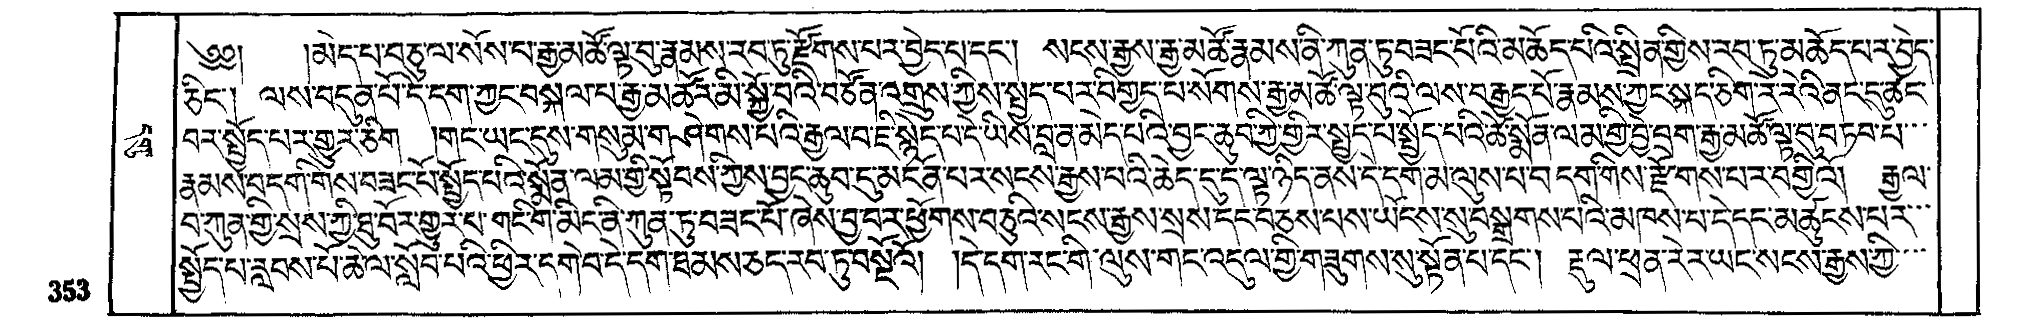༄༅། །མེད་པ་བཅུ་ལ་སོས་པ་རྒྱ་མཚོ་ལྟ་བུ་རྣམས་རབ་ཏུ་རྫོགས་པར་བྱེད་པ་དང་། སངས་རྒྱས་རྒྱ་མཚོ་རྣམས་ནི་ཀུན་ཏུ་བཟང་པོའི་མཆོད་པའི་སྤྲིན་གྱིས་རབ་ཏུ་མཆོད་པར་བྱེད་
ཅིང་། ལས་བདུན་པོ་དེ་དག་ཀྱང་བསྐལ་པ་རྒྱ་མཚོར་མི་སྐྱོ་བའི་བཙོན་འགྲུས་ཀྱིས་སྤྱད་པར་བགྱིད་པ་སོགས་རྒྱ་མཚོ་ལྟ་བུའི་ལས་བརྒྱད་པོ་རྣམས་ཀྱང་སྐད་ཅིག་རེ་རེའི་ནང་དུ་ཚང་
བར་སྤྱོད་པར་གྱུར་ཅིག །གང་ཡང་དུས་གསུམ་གཤེགས་པའི་རྒྱལ་བ་ཇི་སྙེད་པ་དེ་ཡིས་བླ་ན་མེད་པའི་བྱང་ཆུབ་ཀྱི་གྱིར་སྤྱད་པ་སྤྱོད་པའི་ཚེ་སྨོན་ལམ་གྱི་བྱེ་བྲག་རྒྱ་མཚོ་ལྟ་བུ་བཏབ་པ་
རྣམས་བདག་གིས་བཟང་པོ་སྤྱོད་པའི་སྨོན་ལམ་གྱི་སྟོབས་ཀྱིས་བྱང་ཆུབ་ཏུ་མངོན་པར་སངས་རྒྱས་པའི་ཆེད་དུ་ད་ལྟ་ཉིད་ནས་དེ་དག་མ་ལུས་པ་བདག་གིས་རྫོགས་པར་བགྱིའོ། རྒྱལ་
བ་ཀུན་གྱི་སྲས་ཀྱི་ཐུ་བོར་གྱུར་པ་གང་གི་མིང་ནི་ཀུན་ཏུ་བཟང་པོ་ཞེས་བྱ་བར་ཕྱོགས་བཅུའི་སངས་རྒྱས་སྲས་དང་བཅས་པས་ཡོངས་སུ་བསྒྲགས་པའི་མཁས་པ་དེ་དང་མཚུངས་པར་
སྤྱོད་པ་རླབས་པོ་ཆེ་ལ་སློབ་པའི་ཕྱིར་དགེ་བ་དེ་དག་ཐམས་ཅད་རབ་ཏུ་བསྔོའོ། །དེ་དག་རང་གི་ལུས་གང་འདུལ་གྱི་གཟུགས་སུ་སྟོན་པ་དང་། རྡུལ་ཕྲན་རེར་ཡང་སངས་རྒྱས་ཀྱི་